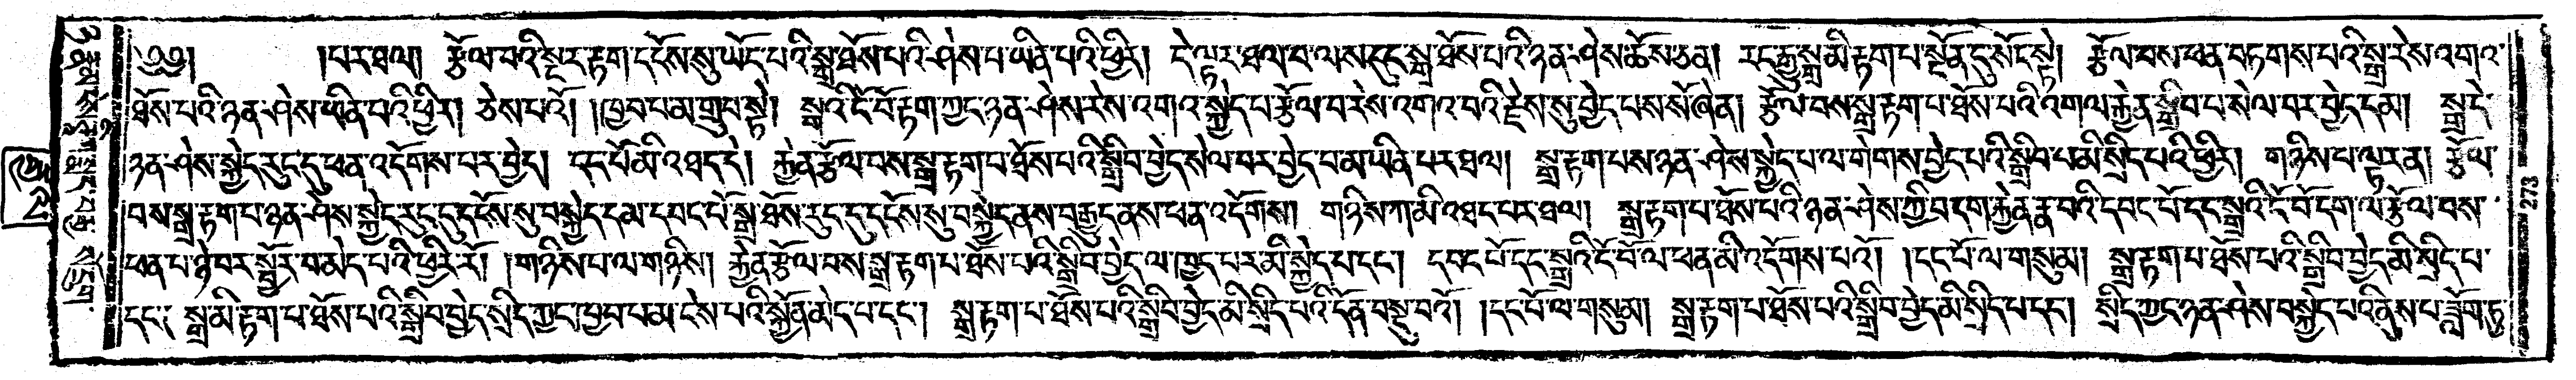༄༅། །པར་ཐལ། རྩོལ་བའི་སྔར་རྟག་དངོས་སུ་ཡོད་པའི་སྒྲ་ཐོས་པའི་ཤེས་པ་ཡིན་པའི་ཕྱིར། དེ་ལྟར་ཐལ་བ་ལས་དུང་སྒྲ་ཐོས་པའི་ཉན་ཤེས་ཆོས་ཅན། རང་རྒྱུ་སྒྲ་མི་རྟག་པ་སྔོན་དུ་སོང་སྟེ། རྩོལ་བས་ཕན་བཏགས་པའི་སྒྲ་རེས་འགའ་
ཐོས་པའི་ཉན་ཤེས་ཡིན་པའི་ཕྱིར། ཅེས་པའོ། །ཁྱབ་པ་མ་གྲུབ་སྟེ། སྒའི་ངོ་བོ་རྟག་ཀྱང་ཉན་ཤེས་རེས་འགའ་སྐྱེད་པ་རྩོལ་བ་རེས་འགའ་བའི་རྗེས་སུ་བྱེད་པས་སོ་ཞེ་ན། རྩོལ་བས་སྒྲ་རྟག་པ་ཐོས་པའི་འགལ་རྐྱེན་སྒྲིབ་པ་སེལ་བར་བྱེད་དམ། སྒྲ་དེ་
ཉན་ཤེས་སྐྱེད་རུང་དུ་ཕན་འདོགས་པར་བྱེད། དང་པོ་མི་འཐད་དེ། རྐྱེན་རྩོལ་བས་སྒྲ་རྟག་པ་ཐོས་པའི་སྒྲིབ་བྱེད་སེལ་བར་བྱེད་བ་མ་ཡིན་པར་ཐལ། སྒྲ་རྟག་པས་ཉན་ཤེས་སྐྱེད་པ་ལ་གེགས་བྱེད་པའི་སྒྲིབ་པ་མི་སྲིད་པའི་ཕྱིར། གཉིས་པ་ལྟར་ན། རྩོལ་
པས་སྒྲ་རྟག་པ་ཉན་ཤེས་སྐྱེད་རུང་དུ་དངོས་སུ་བསྐྱེད་དམ་དབང་པོ་སྒྲ་ཐོས་རུང་དུ་དངོས་སུ་བསྐྱེད་ནས་བརྒྱུད་ནས་ཕན་འདོགས། གཉིས་ཀ་མི་འཐད་པར་ཐལ། སྒྲ་རྟག་པ་ཐོས་པའི་ཉན་ཤེས་ཀྱི་བདག་རྐྱེན་རྣ་བའི་དབང་པོ་དང་སྒྲའི་ངོ་བོ་དག་ལ་རྩོལ་བས་
ཕན་པ་ཉེ་བར་སྦྱོར་བ་མེད་པའི་ཕྱིར་རོ། །གཉིས་པ་ལ་གཉིས། རྐྱེན་རྩོལ་བས་སྒྲ་རྟག་པ་ཐོས་པའི་སྒྲིབ་བྱེད་ལ་ཁྱད་པར་མི་སྐྱེད་པ་དང་། དབང་པོ་དང་སྒྲའི་ངོ་བོ་ལ་ཕན་མི་འདོགས་པའོ། །དང་པོ་ལ་གསུམ། སྒྲ་རྟག་པ་ཐོས་པའི་སྒྲིབ་བྱེད་མི་སྲིད་པ་
དང༑ སྒྲ་མི་རྟག་པ་ཐོས་པའི་སྒྲིབ་བྱེད་སྲིད་ཀྱང་ཁྱབ་པ་མ་ངེས་པའི་སྐྱོན་མེད་པ་དང་། སྒྲ་རྟག་པ་ཐོས་པའི་སྒྲིབ་བྱེད་མི་སྲིད་པའི་དོན་བསྡུ་བའོ། །དང་པོ་ལ་གསུམ། སྒྲ་རྟག་པ་ཐོས་པའི་སྒྲིབ་བྱེད་མི་སྲིད་པ་དང་། སྲིད་ཀྱང་ཉན་ཤེས་བསྐྱེད་པའི་ནུས་པ་ཟློག་ཏུ་